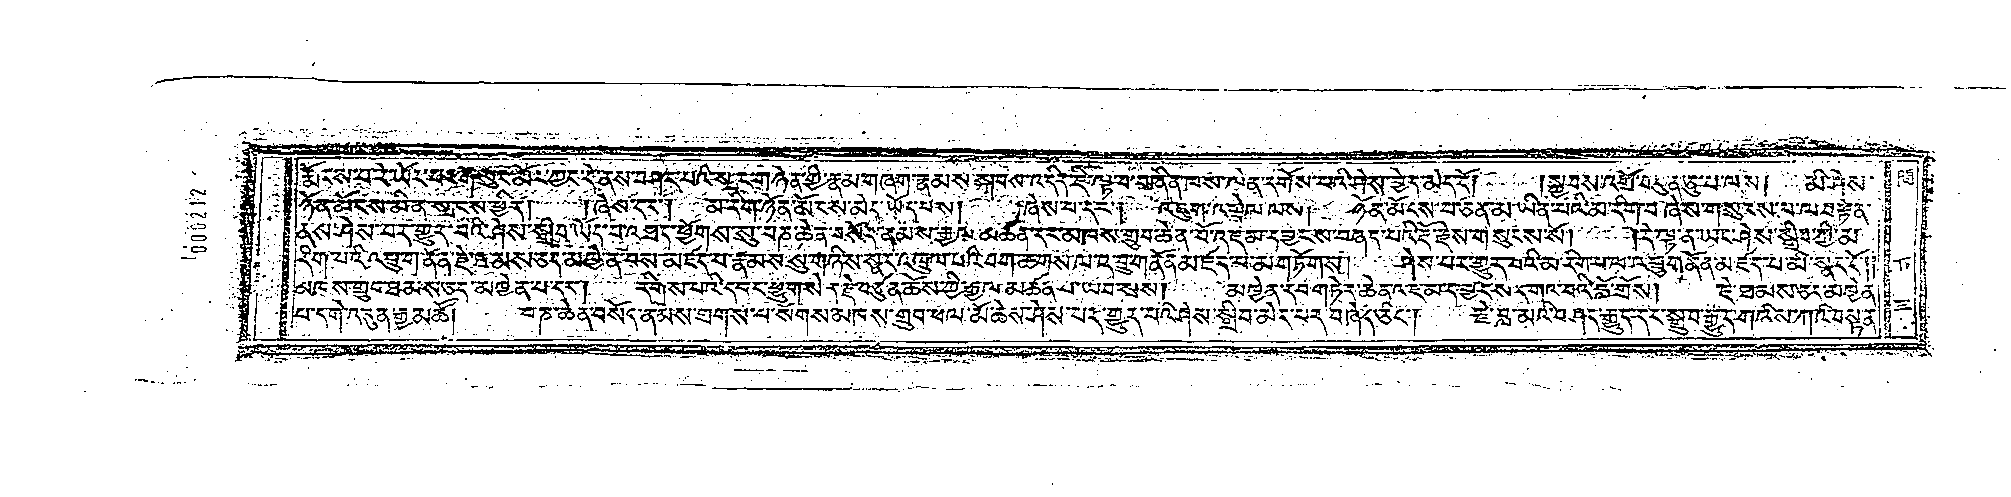རྨོངས་པ་རེ་ཡོང་པར་གསུང་མོང་ཀྱང་དེ་ནས་བཤད་པའི་སྤང་གཉེན་གྱི་རྣམ་གཞག་རྣམས་སྐབས་འདིར་ཇི་ལྟ་བ་བཞིན་ཁས་ལེན་དགོས་པའི་ཤེས་བྱེད་མེད་དོ། །སྐྱབས་འགྲོ་བདུན་ཅུ་པ་ལས། མི་ཤེས་
ཉོན་མོངས་མིན་སྤངས་ཕྱིར། །ཞེས་དང་། མ་རིག་ཉོན་མོངས་མེད་ཡོད་པས། །ཞེས་པ་དང་། འཇུག་འགྲེལ་ལས། ཉོན་མོངས་པ་ཅན་མ་ཡིན་པའི་མ་རིག་བ་ཞེས་གསུངས་པ་ལ་བརྟེན་
ནས་ཤེས་པར་གྱུར་བའི་ཤེས་སྒྲིབ་ཡོད་པ་འཐད་ཕྱོགས་སུ་པཎ་ཆེན་བསོད་ནམས་རྒྱལ་མཚན་དང་མཁས་གྲུབ་ཆེན་པོ་འཇམ་དབྱངས་བཞད་པའི་རྡོ་རྗེས་གསུངས་སོ། །དེ་ལྟ་ན་ཡང་ཤེས་སྒྲིབ་ཀྱི་མ་
རིག་པའི་འབྲུག་ནོན་རྗེ་ཐམས་ཅད་མཁྱེན་པས་མཛད་པ་རྣམས་སུ་གཉིས་སྣང་འཁྲུལ་པའི་བག་ཆགས་ལ་འབྲུ་གནོན་མཛད་པ་མ་གཏོགས། ཤེས་པར་གྱུར་པའི་མ་རིག་པ་ལ་འབྲུག་ནོན་མཛད་པ་མི་སྣང་ངོ།།
མཁས་གྲུབ་ཐམས་ཅད་མཁྱེན་པ་དང་། རིགས་པའི་དབང་ཕྱུག་སེར་རྗེ་བཙུན་ཆོས་ཀྱི་རྒྱལ་མཚན་པ་ཡབ་སྲས། མཁྱེན་རབ་གཏེར་ཆེན་འཇམ་དབྱངས་དགའ་བའི་བློ་གྲོས། རྗེ་ཐམས་ཅད་མཁྱེན་
པ་དགེ་འདུན་རྒྱ་མཚོ། པཎ་ཆེན་བསོད་ནམས་གྲགས་པ་སོགས་མཁས་གྲུབ་ཕལ་མོ་ཆེས་ཤེས་པར་གྱུར་པའི་ཤེས་སྒྲིབ་མེད་པར་བཞེད་ཅིང་། རྗེ་བླ་མའི་བཤད་རྒྱུད་དང་སྒྲུད་དང་སྒྲུབ་རྒྱུད་གཉིས་ཀའི་བསྟན་